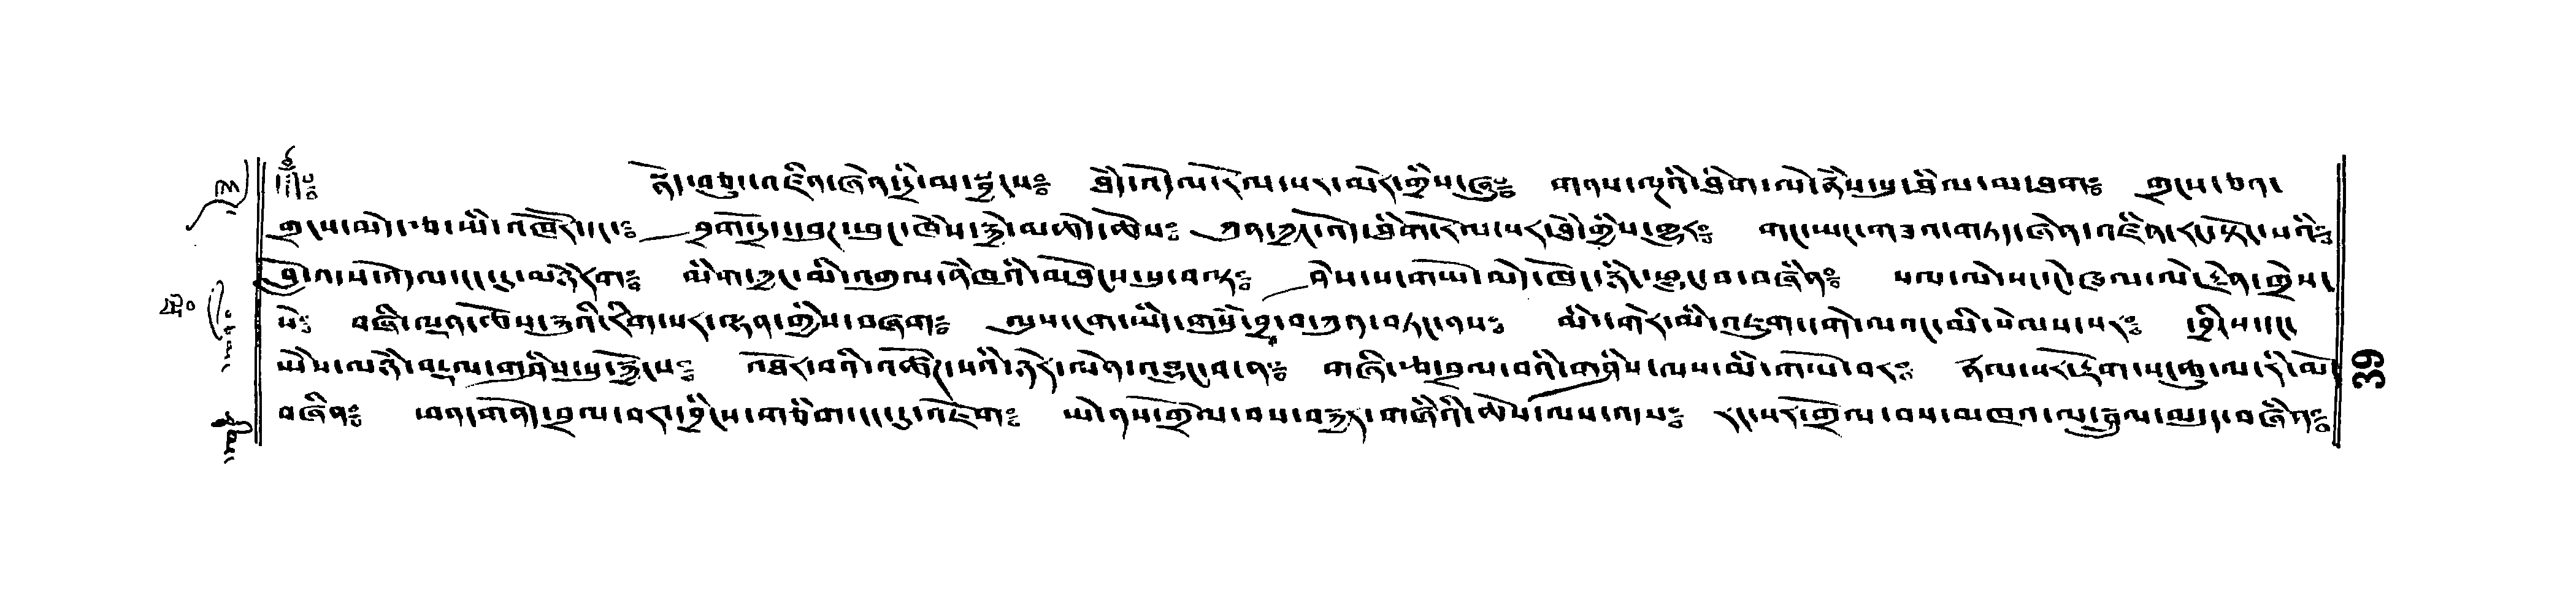སྣོད་བཅུད་འཛིན་ཞེན་དྲི་མ་སྦྱངས༔ ཐམས་ཅད་འོད་གསལ་རོལ་སར་མེར་གྱིས་ཞུ༔ གནས་ལྔའི་ཐིག་ལེ་རྣམས་སུ་ཐིམ་མ་ཐག༔ གྲངས་ཅན་
གྲངས་མེད་རྩ་ཡི་འཁོར་ལོར་དང༔ ཤ་ཁྲག་དྲཽད་དབུགས་ཕུང་ཁམས་སྐྱེ་མཆེད་ཆོས༔ ཀུན་ཀྱང་འོད་ཐིག་རོལ་སར་ཐམ་གྱིས་གྱུར༔ གང་ཡང་གཟའ་གཏད་ཞེན་འཛིན་རང་སྟོང་པའི༔ 
བློ་འདས་འོད་གསལ་ངང་དུ་མཉམ་པར་བདག༔ མིག་ཀྱང་མི་འགུལ་ནམ་མཁའི་མཐོངས་སུ་བལྟ༔ ཤེས་པ་གཡོ་མེད་ཁོང་སྙིང་ཕྱུང་བ་བཞིན༔ སལ་ལེ་སང་ངེ་ཝལ་ལེ་རྗེན་ཁྲེས་
སེ༔ བཞི་ལྡན་ཆོས་སྐུའི་རིག་པར་ལྷན་གྱིས་བཞག༔ ལུས་ངག་ཡིད་གསུམ་བྱ་བ་ཀུན་བཏང་ནས༔ མི་དགེ་བར་མི་འཇུག་དགེ་ལའང་མི་སེམས་པར༔ དབྱིངས་དང་
ཡེ་ཤེས་མཉམ་བརྡལ་གཤིས་སུ་སྐྱོངས༔ འཐོར་བའི་འཚོགས་པའི་ཉེར་ལེན་འབྱུང་བ་ན༔ གཞི་རྩ་བྲལ་བའི་གཤིས་ལས་མི་གཡོས་བར༔ རྣམ་པར་རྟོག་པ་ཆུ་ལ་རི་མོ་
བཞིན༔ ཕན་གནོད་བྲལ་བར་དབྱིངས་གཅིག་ངང་དུ་འཇོག༔ ཡེ་ནས་གྲོལ་བས་བསྐྱར་གཞིའི་ཆོས་ལས་འདས༔ རང་སར་གྲོལ་བས་མཁའ་ལ་སྦྲུལ་མདུད་བཞིན༔